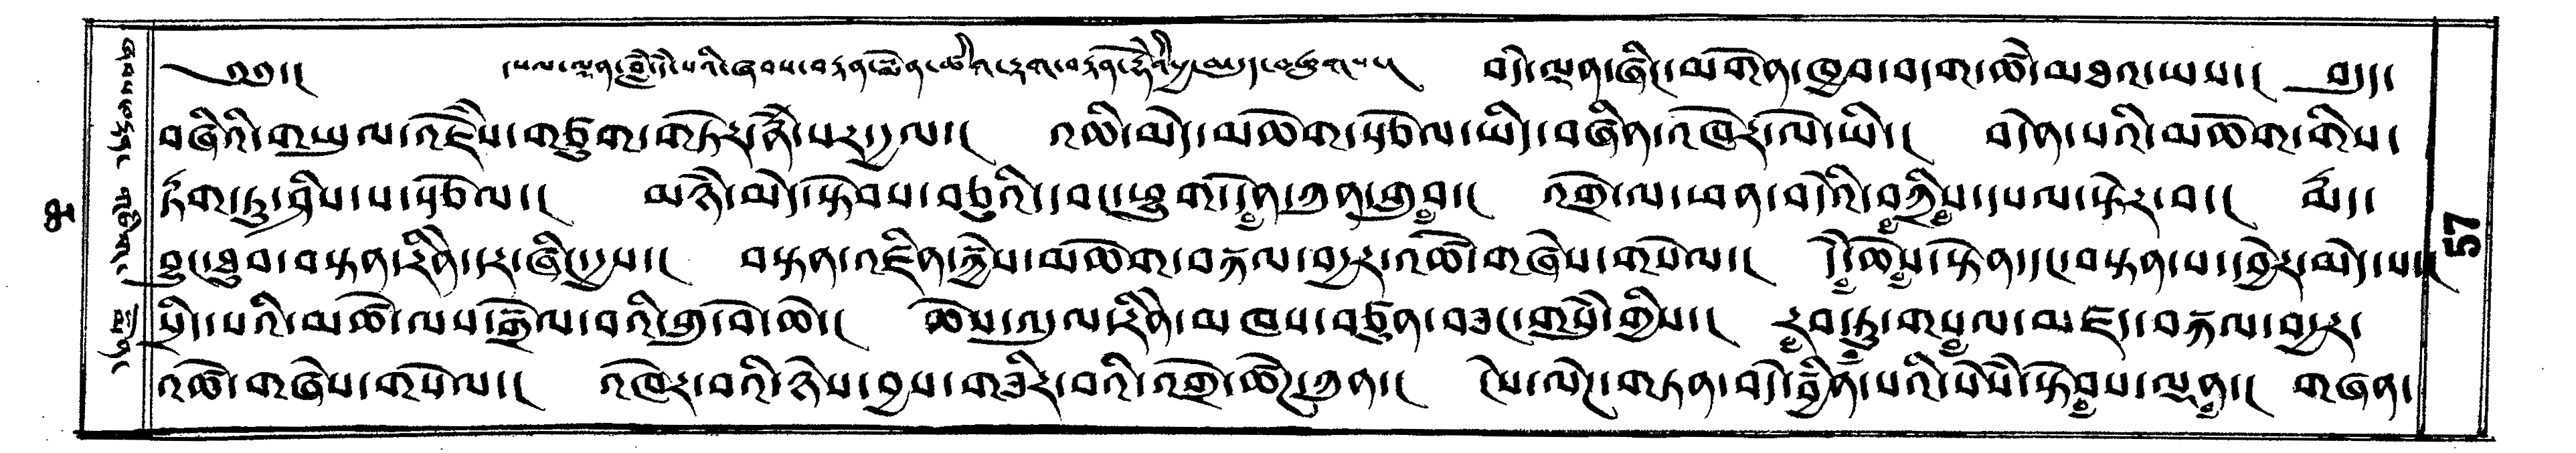༄༅། དཔལ་ལྡན་བླ་མ་དམ་པའི་ཞབས་བརྟན་སྨོན་ཚིག་རྟག་བརྟན་རྡོ་རྗེའི་རྒྱ་མདུད་བཞུགས། བདེ་ལྡན་ཞིང་མགོན་ཁྱབ་བདག་ཚེ་མཐའ་ཡས། །བདུད་
བཞིའི་གཡུལ་འཇོམས་གཙུག་གཏོར་རྣམ་པར་རྒྱལ། །འཆི་མེད་མཆོག་སྩོལ་ཡིད་བཞིན་འཁོར་ལོ་ཡི། །བདེན་པ་མཆོག་གིས་
རྟག་ཏུ་ཤིས་པ་སྩོལ། །མཉམ་མེད་སྟོབས་བཅུའི་དབང་ཕྱུག་དོན་ཀུན་གྲུབ། །འགྲོ་ལ་ཕན་བདེའི་བཀྲ་ཤིས་དཔལ་སྟེར་བ། །རྨད་
བྱུང་ཐུབ་བསྟན་རིན་ཆེན་དར་ཞིང་རྒྱས། །བསྟན་འཛིན་སྐྱེས་མཆོག་བསྐལ་བརྒྱར་འཚོ་གཞེས་གསོལ། །དམ་ཆོས་སྟོན་དང་བསྟན་པ་དབྱེར་མེད་པ། །
སྲིད་པའི་མཚོ་ལས་སྒྲོལ་བའི་གྲུ་བོ་ཆེ། །ཆོས་འདུལ་རིན་ཆེན་མཁས་བཙུན་བཟང་གསུམ་གྱིས། །རབ་ཏུ་གསལ་མཛད་བསྐལ་བརྒྱར་
འཚོ་གཞེས་གསོལ། །འཁོར་བའི་ཉེས་བས་གཟིར་བའི་འགྲོ་ཚོགས་ཀུན། །ངེས་ལེགས་གཏན་བདེ་སྦྱིན་པའི་སེམས་སྟོབས་ལྡན། །གཞན་